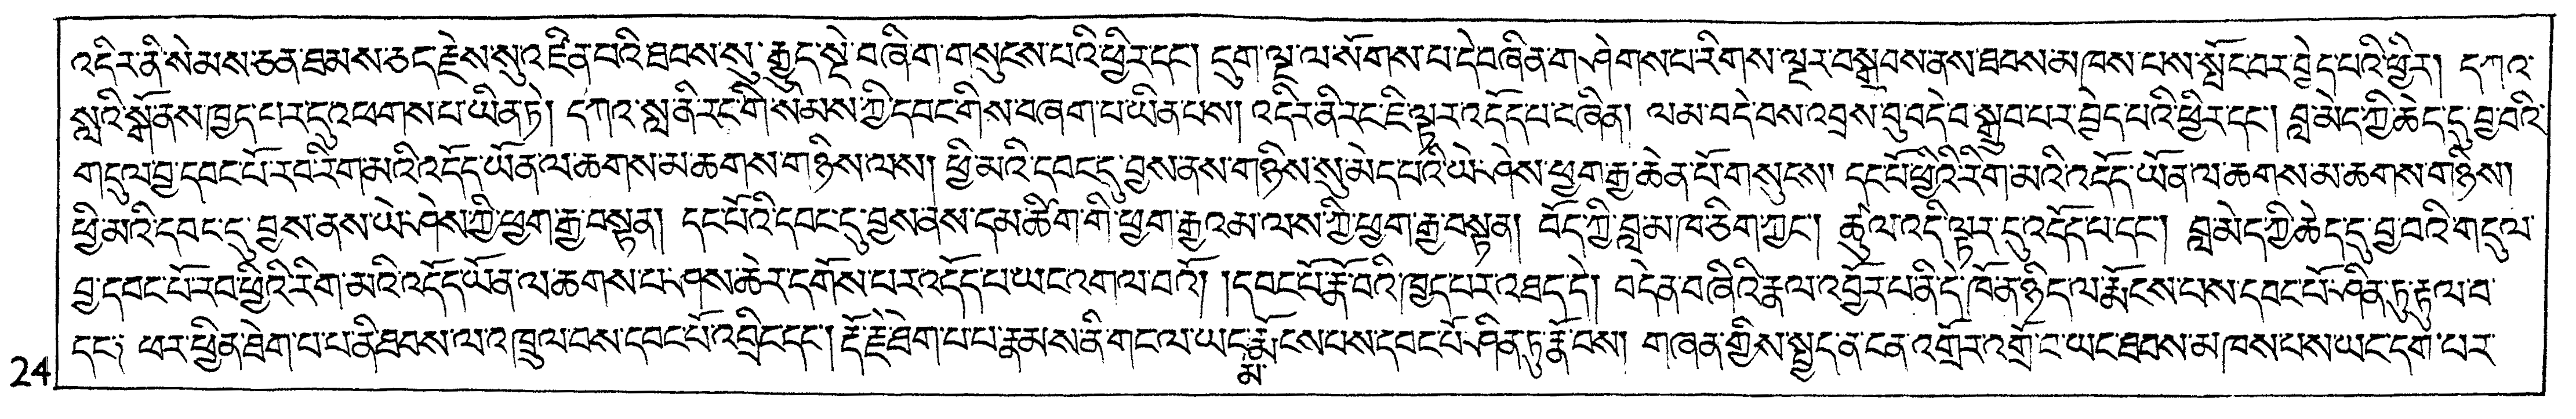འདིར་ནི་སེམས་ཅན་ཐམས་ཅད་རྗེས་སུ་འཛིན་པའི་ཐབས་སུ་རྒྱུད་སྡེ་བཞི་ག་གསུངས་པའི་ཕྱིར་དང་། དུག་ལྔ་ལ་སོགས་པ་དེ་བཞིན་གཤེགས་པ་རིགས་ལྔར་བསྒྲུབས་ནས་ཐབས་མཁས་པས་སྤོང་བར་བྱེད་པའི་ཕྱིར། དཀའ་
སླའི་སྒོ་ནས་ཁྱད་པར་དུ་འཕགས་པ་ཡིན་ཏེ། དཀའ་སླ་ནི་རང་གི་སེམས་ཀྱི་དབང་གིས་བཞག་པ་ཡིན་པས། འདིར་ནི་རང་ཇི་ལྟར་འདོད་པ་བཞིན། ལམ་བདེ་བས་འབྲས་བུ་བདེ་བ་སྒྲུབ་པར་བྱེད་པའི་ཕྱིར་དང་། བླ་མེད་ཀྱི་ཆེད་དུ་བྱ་བའི་
གདུལ་བྱ་དབང་པོ་རབ་རིག་མའི་འདོད་ཡོན་ལ་ཆགས་མ་ཆགས་གཉིས་ལས། ཕྱི་མའི་དབང་དུ་བྱས་ནས་གཉིས་སུ་མེད་པའི་ཡེ་ཤེས་ཕྱག་རྒྱ་ཆེན་པོ་གསུངས། དང་པོ་ཕྱིའི་རིག་མའི་འདོད་ཡོན་ལ་ཆགས་མ་ཆགས་གཉིས།
ཕྱི་མའི་དབང་དུ་བྱས་ནས་ཡེ་ཤེས་ཀྱི་ཕྱག་རྒྱ་བསྟན། དང་པོའི་དབང་དུ་བྱས་ནས་དམ་ཚིག་གི་ཕྱག་རྒྱའམ་ལས་ཀྱི་ཕྱག་རྒྱ་བསྟན། བོད་ཀྱི་བླ་མ་ཁ་ཅིག་ཀྱང་། ཚུལ་འདི་ལྟར་དུ་འདོད་པ་དང་། བླ་མེད་ཀྱི་ཆེད་དུ་བྱ་བའི་གདུལ་
བྱ་དབང་པོ་རབ་ཕྱིའི་རིག་མའི་འདོད་ཡོན་ལ་ཆགས་པ་ཤས་ཆེར་དགོས་པར་འདོད་པ་ཡང་འགལ་བའོ། །དབང་པོ་རྣོ་བའི་ཁྱད་པར་འཐད་དེ། བདེན་བཞིའི་རྣལ་འབྱོར་པ་ནི་དེ་ཁོ་ན་ཉིད་ལ་རྨོངས་པས་དབང་པོ་ཤིན་ཏུ་རྟུལ་བ་
དང༑ ཕར་ཕྱིན་ཐེག་པ་པ་ནི་ཐབས་ལ་འཁྲུལ་བས་དབང་པོ་འབྲིང་དང་། རྡོ་རྗེ་ཐེག་པ་པ་རྣམས་ནི་གང་ལ་ཡང་མ་རྨོངས་པས་དབང་པོ་ཤིན་ཏུ་རྣོ་བས། གཞན་གྱིས་སྤྱད་ན་ངན་འགྲོར་འགྲོ་བ་ཡང་ཐབས་མཁས་པས་ཡང་དག་པར་